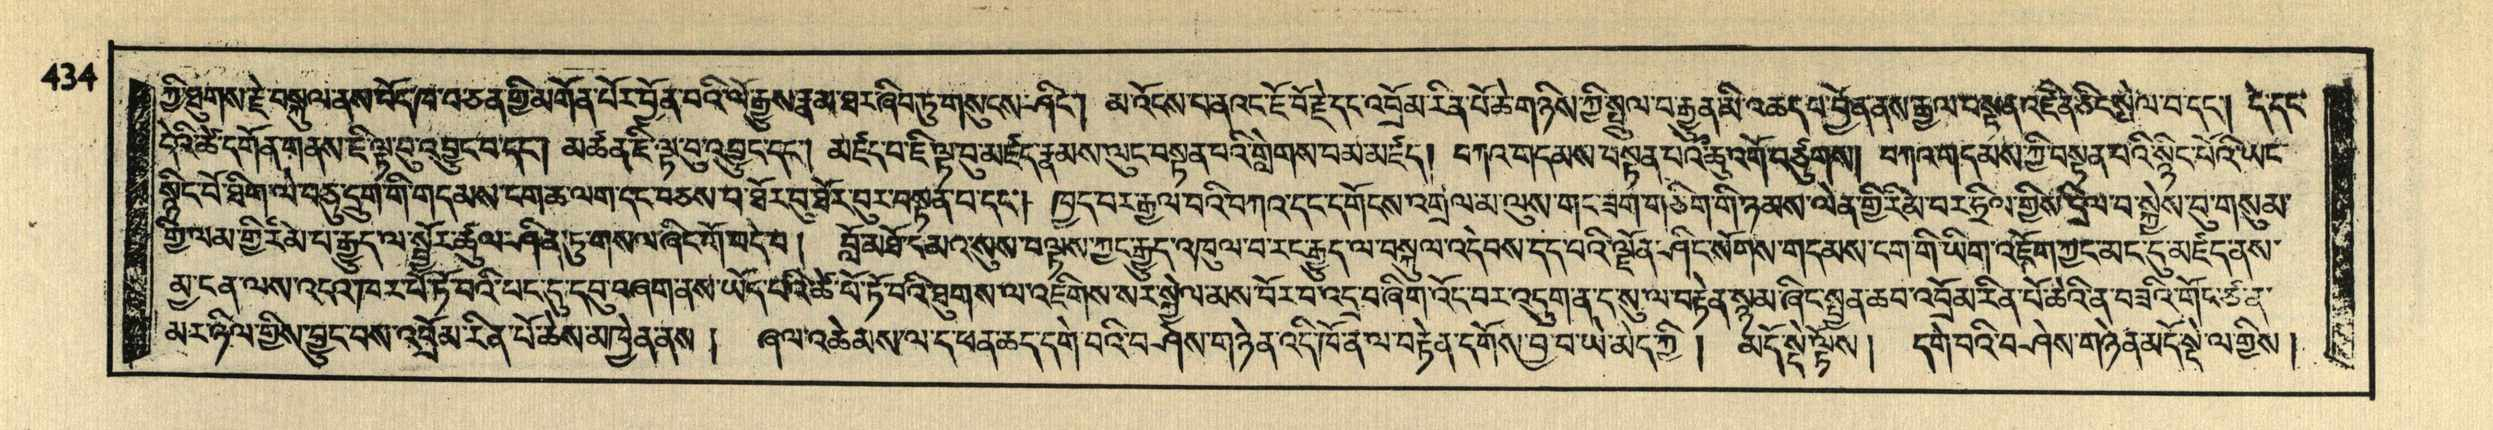ཀྱི་ཐུགས་རྗེ་བསྐུལ་ནས་བོད་ཁ་བ་ཅན་གྱི་མགོན་པོར་བྱོན་བའི་ལོ་རྒྱུས་རྣམ་ཐར་ཞིབ་ཏུ་གསུངས་ཤིང་། མ་འོངས་པ་ནའང་ཇོ་བོ་རྗེ་དང་འབྲོམ་རིན་པོ་ཆེ་གཉིས་ཀྱི་སྤྲུལ་བ་རྒྱུན་མི་འཆད་པ་བྱོན་ནས་རྒྱལ་བསྟན་འཛིན་ཅིང་སྤེལ་བ་དང་། དེ་དང་
དེའི་ཚེ་དགོན་གནས་ཇི་ལྟ་བུ་འབྱུང་བ་དང་། མཚན་ཇི་ལྟ་བུ་འབྱུང་དང་། མཛད་བ་ཇི་ལྟ་བུ་མཛད་རྣམས་ལུང་བསྟན་པའི་གླེགས་བམ་མཛད། བཀའ་གདམས་བསྟན་པའི་ཆུ་འགོ་བཙུགས། བཀའ་གདམས་ཀྱི་བསྟན་པའི་སྙིང་པོའི་ཡང་
སྙིང་པོ་ཐིག་ལེ་བཅུ་དྲུག་གི་གདམས་ངག་ཆ་ལག་དང་བཅས་པ་ཐོར་བུ་ཐོར་བུར་བསྟན་བ་དང་། ཁྱད་བར་རྒྱལ་བའི་བཀའ་དང་དགོངས་འགྲེལ་མ་ལུས་གང་ཟག་གཅིག་གི་ཉམས་ལེན་གྱི་རིམ་བར་ཧྲིལ་གྱིས་དྲིལ་བ་སྐྱེས་བུ་གསུམ་
གྱི་ལམ་གྱི་རིམ་པ་རྒྱུད་ལ་སྦྱོར་ཚུལ་ཤིན་ཏུ་གསལ་ཞིང་གོ་བདེ་བ། བློ་མཐོ་དམའ་སུས་བལྟས་ཀྱང་རྒྱུད་འཁུལ་བ་རང་རྒྱུད་ལ་བསྐུལ་འདེབས་དད་པའི་ལྗོན་ཤིང་སོགས་གདམས་ངག་གི་ཡིག་འཇོག་ཀྱང་མང་དུ་མཛད་ནས་
མྱ་ངན་ལས་འདའ་ཁར་པོ་ཏོ་བའི་པང་དུ་དབུ་བཞག་ནས་ཡོད་པའི་ཚེ་པོ་ཏོ་བའི་ཐུགས་ལ་འཇིགས་སར་སྐྱེལ་མས་བོར་བ་འདྲ་བ་ཞིག་འོང་བར་འདུག་ན་ད་སུ་ལ་བརྟེན་སྙམ་ཞིང་སྤྱན་ཆབ་འབྲོམ་རིན་པོ་ཆེའི་ན་བཟའི་གོང་ཙ་ན་
མར་ཉིལ་གྱིས་བྱུང་བས་འབྲོམ་རིན་པོ་ཆེས་མཁྱེན་ནས། ཞལ་འཆེམས་ལ་ད་ཕན་འཆད་དགེ་བའི་བཤེས་གཉེན་འདི་ཁོ་ན་ལ་བརྟེན་དགོས་བྱ་བ་ཡེ་མེད་ཀྱི། མདོ་སྡེ་ལྟོས། དགེ་བའི་བཤེས་གཉེན་མདོ་སྡེ་ལ་གྱིས་།